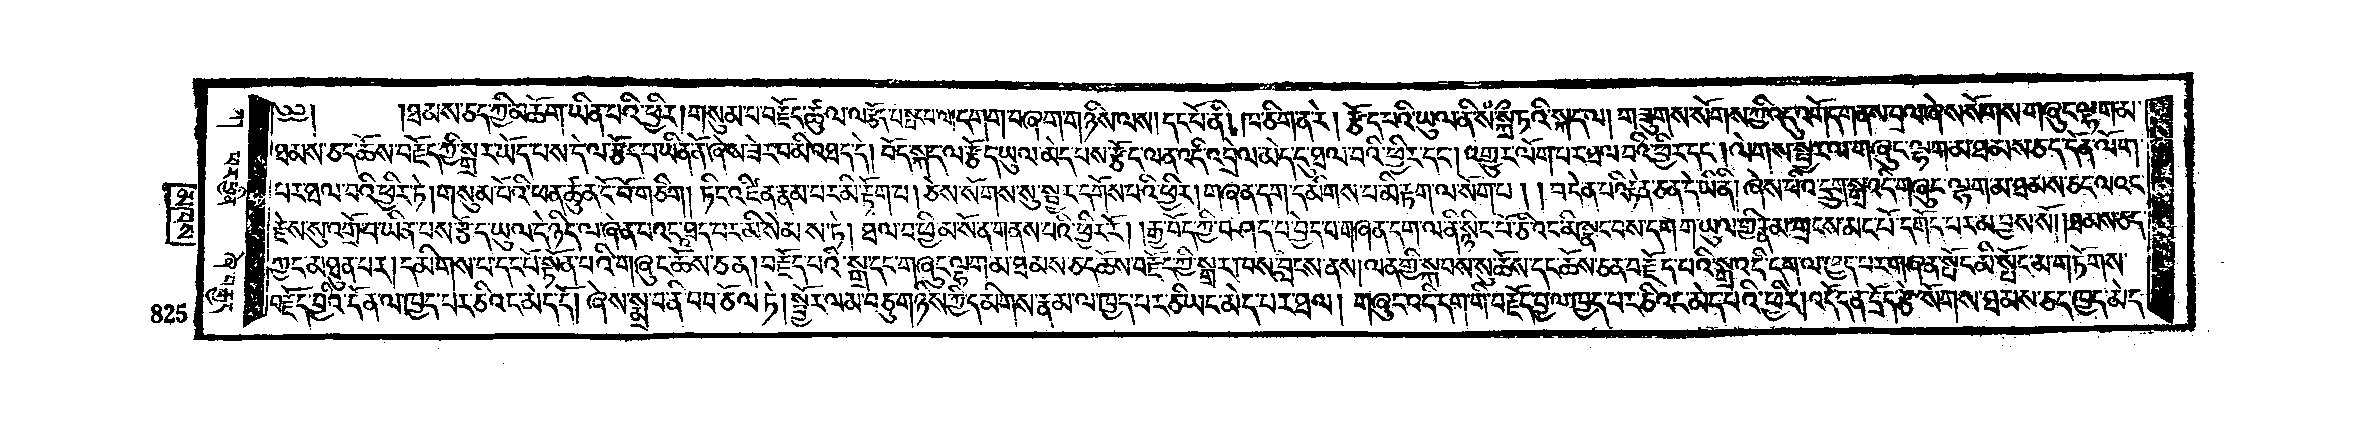༄༅། །ཐམས་ཅད་ཀྱི་མཆོག་ཡིན་པའི་ཕྱིར། གསུམ་པ་བརྗོད་ཚུལ་ལ་རྩོད་པ་སྤང་པ་ལ། དགག་བཞག་གཉིས་ལས། དང་པོ་ནི། ཁ་ཅིག་ན་རེ། རྩོད་པའི་ཡུལ་ནི་སཾ་སྐྲྀ་ཏའི་སྐད་ལ། གཟུགས་སོགས་ཀྱི་འདུ་འགོད་གནས་བྲལ་ཞེས་སོགས་གཞུང་ལྷག་མ་
ཐམས་ཅད་ཆོས་བརྗོད་ཀྱི་སྒྲར་ཡོད་པས་དེ་ལ་རྩོད་པ་ཡིན་ནོ་ཞེས་ཟེར་བ་མི་འཐད་དེ། བོད་སྐད་ལ་རྩོད་ཡུལ་མེད་པས་རྩོད་ལན་འདི་འབྲེལ་མེད་དུ་ཐལ་བའི་ཕྱིར་དང་། འགྱུར་ལོག་པར་ཐལ་བའི་ཕྱིར་དང་། ལེགས་སྦྱར་ལ་གཞུང་ལྷག་མ་ཐམས་ཅད་དོན་ལོག་
པར་ཐལ་བའི་ཕྱིར་ཏེ། གསུམ་པོའི་ཕན་ཚུན་ངོ་བོ་གཅིག །ཏིང་འཛིན་རྣམ་པར་མི་རྟོག་པ། ཅེས་སོགས་སུ་སྦྱར་དགོས་པའི་ཕྱིར། གཞན་དག་དམིགས་པ་མི་རྟག་ལ་སོགས་པ། །བདེན་པའི་རྟེན་ཅན་དེ་ཡི་ནི། ཞེས་པའི་དྲུག་སྒྲ་འདི་གཞུང་ལྷག་མ་ཐམས་ཅད་ལའང་
རྗེས་སུ་འགྲོ་བ་ཡིན་པས་རྩོད་ཡུལ་དེ་ཉིད་ལ་ཞེན་པའང་ཐད་པར་མི་སེམས་ཏེ། ཐལ་བ་ཕྱི་མ་སོ་ན་གནས་པའི་ཕྱིར་རོ། །རྒྱ་བོད་ཀྱི་བཤད་པ་བྱེད་པ་གཞན་དག་ལ་ནི་སྙིང་པོ་ཅིའང་མི་སྣང་བས་དགག་ཡུལ་གྱི་རྣམ་གྲངས་མང་པོ་དགོད་པར་མ་བྱས་སོ། །ཐམས་ཅད་
ཀྱང་མཐུན་པར། དམིགས་པ་དང་པོ་སྟོན་པའི་གཞུང་ཆོས་ཅན། བརྗོད་པའི་སྒྲ་དང་གཞུང་ལྷག་མ་ཐམས་ཅད་ཆོས་བརྗོད་ཀྱི་སྒྲར་ཁས་བླངས་ནས། ལན་གྱི་སྐབས་སུ་ཆོས་དང་ཆོས་ཅན་བརྗོད་པའི་སྒྲ་འདི་དག་ལ་ཁྱད་པར་གཞན་སྤོང་མི་སྤོང་མ་གཏོགས་
བརྗོད་བྱའི་དོན་ལ་ཁྱད་པར་ཅིའང་མེད་དོ། ཞེས་སྨྲ་བ་ནི་བབ་ཅོལ་ཏེ། སྦྱོར་ལམ་བཅུ་གཉིས་ཀྱི་དམིགས་རྣམ་ལ་ཁྱད་པར་ཅི་ཡང་མེད་པར་ཐལ། གཞུང་འདི་དག་གི་བརྗོད་བྱ་ལ་ཁྱད་པར་ཅིའང་མེད་པའི་ཕྱིར། འདོད་ན་དྲོད་རྩེ་སོགས་ཐམས་ཅད་ཁྱད་མེད་